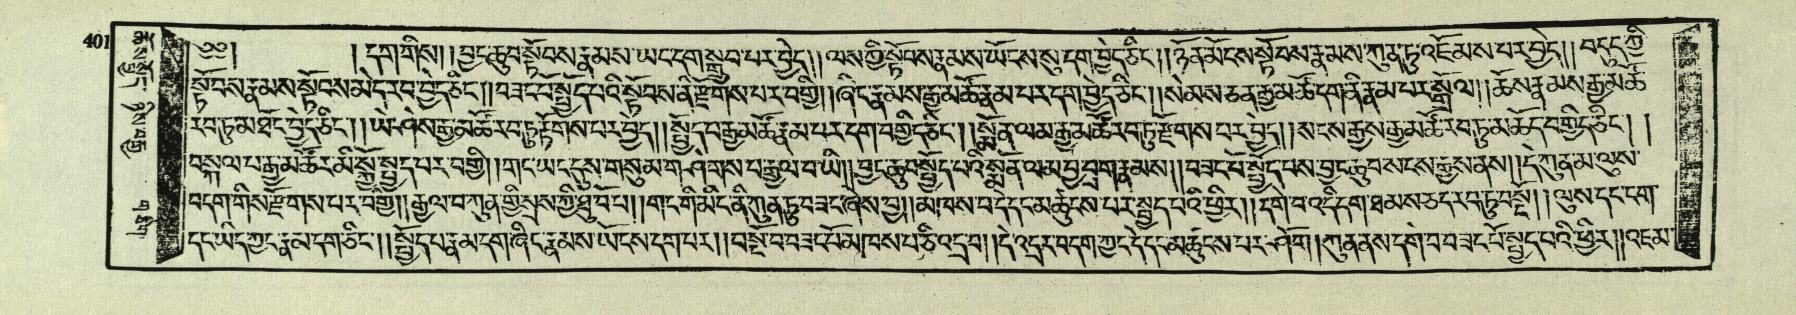༄༅། །དག་གིས། །བྱང་ཆུབ་སྟོབས་རྣམས་ཡང་དག་སྒྲུབ་པར་བྱེད། །ལས་ཀྱི་སྟོབས་རྣམས་ཡོངས་སུ་དག་བྱེད་ཅིང་། །ཉོན་མོངས་སྟོབས་རྣམས་ཀུན་ཏུ་འཇོམས་པར་བྱེད། །བདུད་ཀྱི་
སྟོབས་རྣམས་སྟོབས་མེད་རབ་བྱེད་ཅིང་། །བཟང་པོ་སྤྱོད་པའི་སྟོབས་ནི་རྫོགས་པར་བགྱི། །ཞིང་རྣམས་རྒྱ་མཚོ་རྣམ་པར་དག་བྱེད་ཅིང་། །སེམས་ཅན་རྒྱ་མཚོ་དག་ནི་རྣམ་པར་སྒྲོལ། །ཆོས་རྣམ་རྒྱ་མཚོ་
རབ་ཏུ་མཐོང་བྱེད་ཅིང་། །ཡེ་ཤེས་རྒྱ་མཚོ་རབ་ཏུ་རྟོགས་པར་བྱེད། །སྤྱོད་བ་རྒྱ་མཚོ་རྣམ་པར་དག་བགྱིད་ཅིང་། །སྨོན་ལམ་རྒྱ་མཚོ་རབ་ཏུ་རྫོགས་པར་བྱེད། །སངས་རྒྱས་རྒྱ་མཚོ་རབ་ཏུ་མཆོད་བགྱིད་ཅིང་། །
བསྐལ་པ་རྒྱ་མཚོར་མི་སྐྱོ་སྤྱད་པར་བགྱི། །གང་ཡང་དུས་གསུམ་གཤེགས་པ་རྒྱལ་བ་ཡི། །བྱང་ཆུབ་སྤྱོད་པའི་སྨོན་ལམ་བྱ་བྲག་རྣམས། །བཟང་པོ་སྤྱོད་པས་བྱང་ཆུབ་སངས་རྒྱས་ནས། །དེ་ཀུན་མ་ལུས་
བདག་གིས་རྫོགས་པར་བགྱི། །རྒྱལ་བ་ཀུན་གྱི་སྲས་ཀྱི་ཐུ་བོ་པ། །གང་གི་མིང་ནི་ཀུན་ཏུ་བཟང་ཞེས་བྱ། །མཁས་པ་དེ་དང་མཚུངས་པར་སྤྱད་པའི་ཕྱིར། །དགེ་བ་འདི་དག་ཐམས་ཅད་རབ་ཏུ་བསྔོ། །ལུས་དང་ངག་
དང་ཡིད་ཀྱང་རྣམ་དག་ཅིང་། །སྤྱོད་པ་རྣམ་དག་ཞིང་རྣམས་ཡོངས་དག་པར། །བསྔོ་བ་བཟང་པོ་མཁས་པ་ཅི་འདྲ་བ། །དེ་འདྲར་བདག་ཀྱང་དེ་དང་མཚུངས་པར་ཤོག། །ཀུན་ནས་དགེ་བ་བཟང་པོ་སྤྱད་པའི་ཕྱིར། །འཇམ་